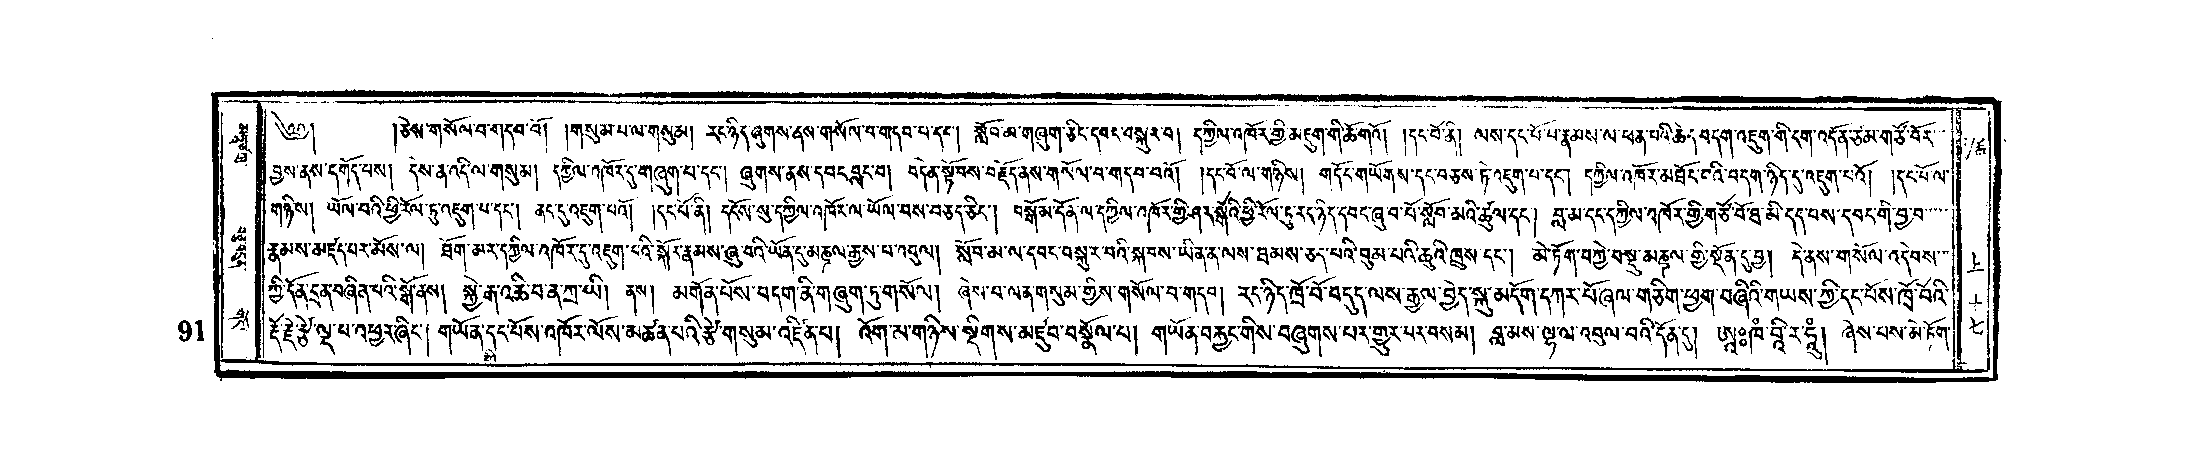༄༅། །ཅེས་གསོལ་བ་གདབ་བོ། །གསུམ་པ་ལ་གསུམ། རང་ཉིད་ཞུགས་ནས་གསོལ་བ་གདབ་པ་དང་། སློབ་མ་གཞུག་ཅིང་དབང་བསྐུར་བ། དཀྱིལ་འཁོར་གྱི་མཇུག་གི་ཆོ་གའོ། །དང་པོ་ནི། ལས་དང་པོ་པ་རྣམས་ལ་ཕན་པའི་ཆེད་བདག་འཇུག་གི་ངག་འདོན་ཙམ་གཙོ་བོར་
བྱས་ནས་དགོད་པས། དེས་ན་འདི་ལ་གསུམ། དཀྱིལ་འཁོར་དུ་གཞུག་པ་དང་། ཞུགས་ནས་དབང་བླང་བ། བདེན་སྟོབས་བརྗོད་ནས་གསོལ་བ་གདབ་པའོ། །དང་པོ་ལ་གཉིས། གདོང་གཡོགས་དང་བཅས་ཏེ་འཇུག་པ་དང་། དཀྱིལ་འཁོར་མཐོང་བའི་བདག་ཉིད་དུ་འཇུག་པའོ། །དང་པོ་ལ་
གཉིས། ཡོལ་བའི་ཕྱི་རོལ་ཏུ་འཇུག་པ་དང་། ནང་དུ་འཇུག་པའོ། །དང་པོ་ནི། དངོས་སུ་དཀྱིལ་འཁོར་ལ་ཡོལ་བས་བཅད་ཅིང་། བསྒོམ་དོན་ལ་དཀྱིལ་འཁོར་གྱི་ཤར་སྒོའི་ཕྱི་རོལ་ཏུ་རང་ཉིད་དབང་ཞུ་བ་པོ་སློབ་མའི་ཚུལ་དང་། བླ་མ་དང་དཀྱིལ་འཁོར་གྱི་གཙོ་བོ་ཐ་མི་དད་པས་དབང་གི་བྱ་བ་
རྣམས་མཛད་པར་མོས་ལ། ཐོག་མར་དཀྱིལ་འཁོར་དུ་འཇུག་པའི་སྐོར་རྣམས་ཞུ་བའི་ཡོན་ཏུ་མཎྜལ་རྒྱས་པ་འབུལ། སློབ་མ་ལ་དབང་བསྐུར་བའི་སྐབས་ཡིན་ན་ལས་ཐམས་ཅད་པའི་བུམ་པའི་ཆུའི་ཁྲུས་དང་། མེ་ཏོག་བཀྱེ་བསྡུ་མཎྜལ་གྱི་སྔོན་དུ་བྱ། དེ་ནས་གསོལ་འདེབས་
ཀྱི་དོན་དྲན་བཞིན་པའི་སྒོ་ནས། སྐྱེ་རྒ་འཆི་བ་ན་ཀྲ་ཡི། ནས། མགོན་པོས་བདག་ནི་གཞུག་ཏུ་གསོལ། ཞེས་པ་ལན་གསུམ་གྱིས་གསོལ་བ་གདབ། རང་ཉིད་ཁྲོ་བོ་བདུད་ལས་རྒྱལ་བྱེད་སྐུ་མདོག་དཀར་པོ་ཞལ་གཅིག་ཕྱག་བཞིའི་གཡས་ཀྱི་དང་པོས་ཁྲོ་བོའི་
རྡོ་རྗེ་རྩེ་ལྔ་པ་འཕྱར་ཞིང་། གཡོན་གྱི་དང་པོས་འཁོར་ལོས་མཚན་པའི་རྩེ་གསུམ་འཛིན་པ། འོག་མ་གཉིས་སྡིགས་མཛུབ་བསྣོལ་པ། གཡོན་བརྐྱང་གིས་བཞུགས་པར་གྱུར་པར་བསམ། བླ་མས་ལྷ་ལ་འབུལ་བའི་དོན་དུ། ཨཱཿ ཁཾ་བཱི་ར་ཧཱུཾ། ཞེས་པས་མེ་ཏོག་